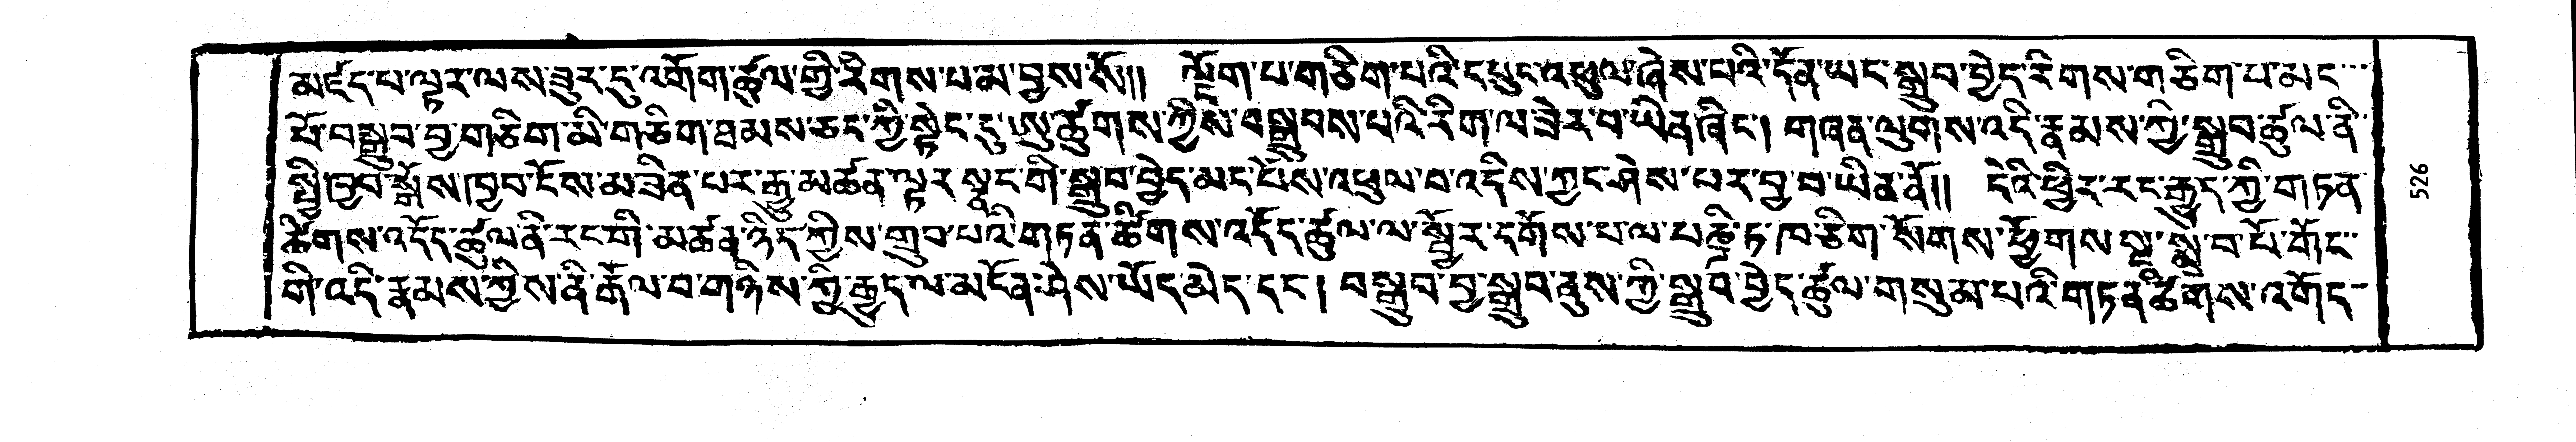་མཛད་པ་ལྟར་ལས་ཟུར་དུ་འགོག་ཚུལ་གྱི་རིགས་པ་མ་བྱས་སོ། །ལྡོག་པ་གཅིག་པའི་དཔུང་འཕུལ་ཞེས་པའི་དོན་ཡང་སྒྲུབ་བྱེད་རིགས་གཅིག་པ་མང་
པོ་བསྒྲུབ་བྱ་གཅིག་མི་གཅིག་ཐམས་ཅད་ཀྱི་སྟེང་དུ་ཨུ་ཚུགས་ཀྱིས་བསྒྲུབས་པའི་རིག་ལ་ཟེར་བ་ཡིན་ཞིང་། གཞན་ལུགས་འདི་རྣམས་ཀྱི་སྒྲུབ་ཚུལ་ནི་
སྤྱི་ཁྱབ་སྒོས་ཁྱབ་ངོས་མ་ཟིན་པར་རྒྱུ་མཚན་ལྟར་སྣང་གི་སྒྲུབ་བྱེད་མང་པོས་འཕུལ་བ་འདིས་ཀྱང་ཤེས་པར་བྱ་བ་ཡིན་ནོ། །དེའི་ཕྱིར་རང་རྒྱུད་ཀྱི་གཏན་
ཚིགས་འདོད་ཚུལ་ནི་རང་གི་མཚན་ཉིད་ཀྱིས་གྲུབ་པའི་གཏན་ཚིགས་འདོད་ཚུལ་ལ་སྦྱོར་དགོས་པ་ལ་པཎྜི་ཏ་ཁ་ཅིག་སོགས་ཕྱོགས་སྔ་སྨྲ་བ་པོ་གོང་
གི་འདི་རྣམས་ཀྱིས་ནི་རྒོལ་བ་གཉིས་ཀྱི་རྒྱུད་ལ་མངོན་ཤེས་ཡོད་མེད་དང་། བསྒྲུབ་བྱ་སྒྲུབ་ནུས་ཀྱི་སྒྲུབ་བྱེད་ཚུལ་གསུམ་པའི་གཏན་ཚིགས་འགོད་